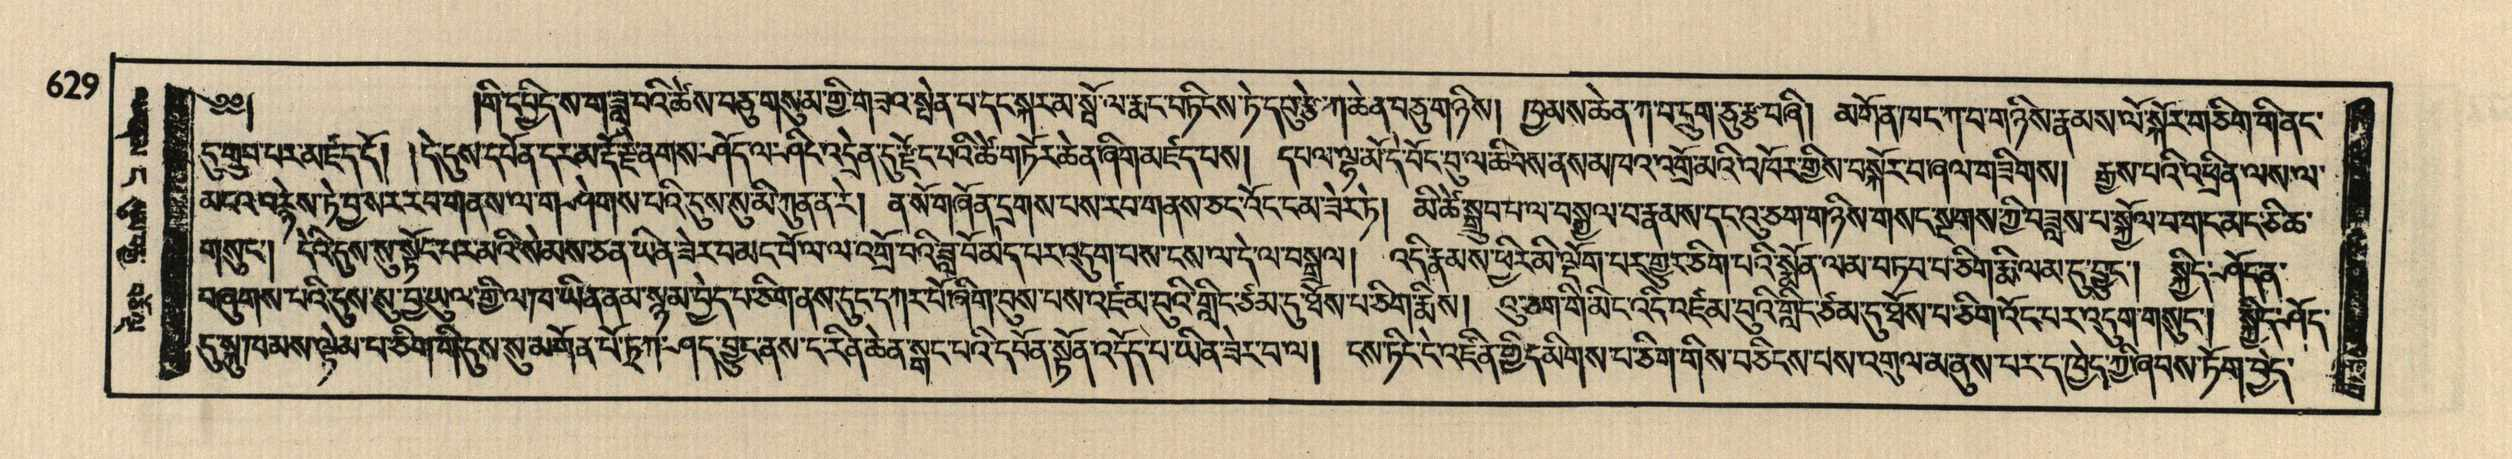༄༅། །གི་དཔྱིད་ས་ག་ཟླ་བའི་ཚེས་བཅུ་གསུམ་གྱི་གཟའ་སྤེན་པ་དང་སྐར་མ་སྦོ་ལ་རྨང་བཏིངས་ཏེ་དབུ་རྩེ་ཀ་ཆེན་བཅུ་གཉིས། ཁྱམས་ཆེན་ཀ་བ་དྲུག་ཅུ་རྩ་བཞི། མགོན་ཁང་ཀ་བ་གཉིས་རྣམས་ལོ་སྐོར་གཅིག་གི་ནང་
དུ་གྲུབ་པར་མཛད་དོ། །དེ་དུས་དཔོན་དར་མ་རྡོ་རྗེ་ནགས་ཤོད་ལ་ཤིང་འདྲེན་དུ་རྫོང་པའི་ཚེ་གཏོར་ཆེན་ཞིག་མཛད་པས། དཔལ་ལྷ་མོ་དེ་བོང་བུ་ལ་ཆིབས་ནས་མཁའ་འགྲོ་མའི་འཁོར་གྱིས་བསྐོར་བ་ཞལ་གཟིགས། རྒྱས་པའི་འཕྲིན་ལས་ལ་
མངའ་བརྙེས་ཏེ་བྱ་སར་རབ་གནས་ལ་གཤེགས་པའི་དུས་སུ་མི་ཀུན་ན་རེ། ན་སོ་གཞོན་དྲགས་པས་རབ་གནས་ཅང་འོང་ངམ་ཟེར་ཏེ། མི་ཚེ་སྒྲུབ་པ་ལ་བསྒྱལ་བ་རྣམས་དང་འུ་ཅག་གཉིས་གསང་སྔགས་ཀྱི་བཟླས་པ་སྐྱོལ་བ་གང་མང་ཅི་ཆ་
གསུང་། དེའི་དུས་སུ་སྟོང་པར་མའི་སེམས་ཅན་ཡིན་ཟེར་བ་མང་པོ་ལ་ལ་འགྲོ་བའི་ཟླ་བོ་མེད་པར་འདུག་པས་ངས་ལ་དེ་ལ་བསྒྲལ། འདི་རྣམས་ཕྱིར་མི་ལྡོག་པར་གྱུར་ཅིག་པའི་སྨོན་ལམ་བཏབ་པ་ཅིག་རྨི་ལམ་དུ་བྱུང་། སྐྱིད་ཤོད་ན་
བཞུགས་པའི་དུས་སུ་བྱ་ཡུལ་གྱི་ལ་ཁ་ཡིན་ནམ་སྙམ་བྱེད་པ་ཅིག་ནས་དུང་དཀར་པོ་ཞིག་བུས་པས་འཛམ་བུའི་གླིང་ཙམ་དུ་ཐོས་པ་ཅིག་རྨིས། འུག་ཅག་གི་མིང་འདི་འཛམ་བུའི་གླིང་ཙམ་དུ་ཐོས་པ་ཅིག་འོང་པར་འདུག་གསུང་། སྐྱིད་ཤོད་
དུ་སྐུ་ཁམས་ལྟེམ་པ་ཅིག་གི་དུས་སུ་མགོན་པོ་ཏྲཀ་ཤད་བྱུང་ནས་ང་རིན་ཆེན་སྒང་པའི་དཔོན་སྟོན་འདོད་པ་ཡིན་ཟེར་བ་ལ། ངས་ཏིང་ངེ་འཛིན་གྱི་དམིགས་པ་ཅིག་གིས་བཅིངས་པས་འགུལ་མ་ནུས་པར་ད་ཁྱེད་ཀྱི་ཞབས་ཏོག་བྱེད་